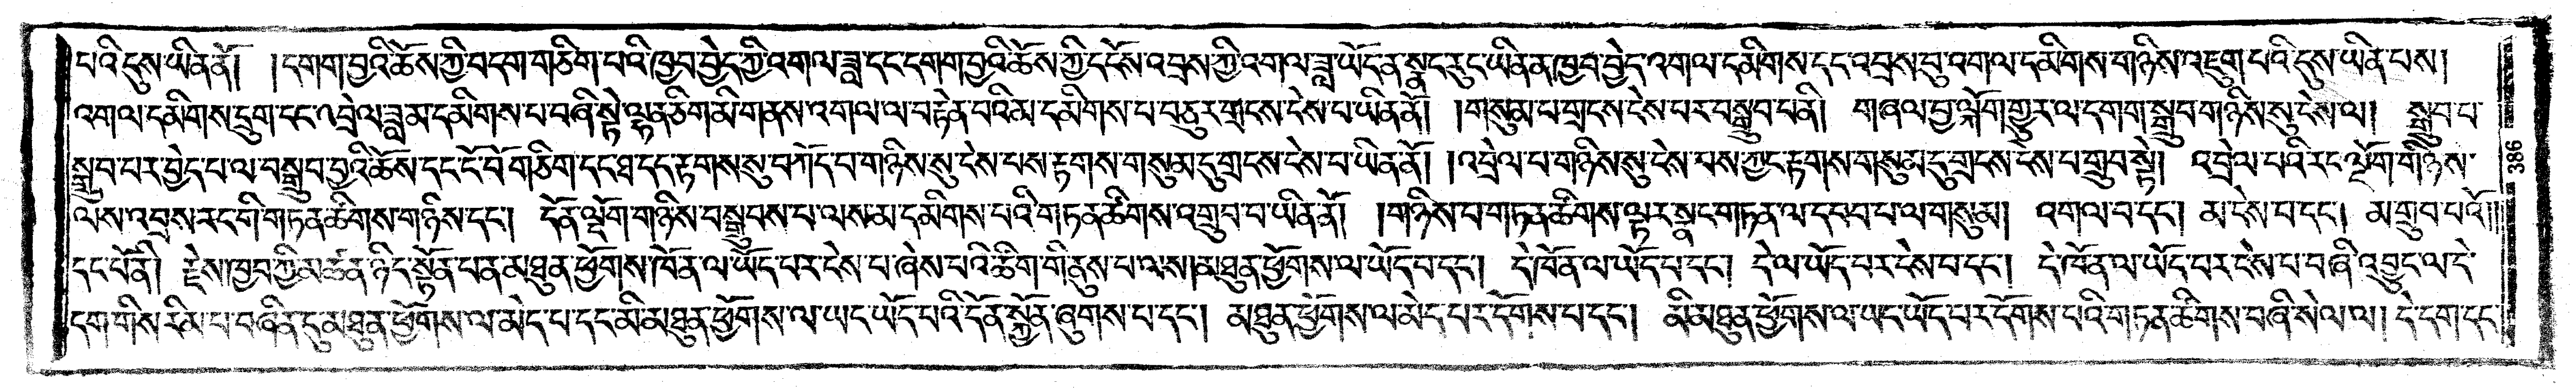པའི་དུས་ཡིན་ནོ། །དགག་བྱའི་ཆོས་ཀྱི་བདག་གཅིག་པའི་ཁྱབ་བྱེད་ཀྱི་འགལ་ཟླ་དང་དགག་བྱའི་ཆོས་ཀྱི་དངོས་འབྲས་ཀྱི་འགལ་ཟླ་ཡོད་ན་སྣང་རུང་ཡིན་ན་ཁྱབ་བྱེད་འགལ་དམིགས་དང་འབྲས་བུ་འགལ་དམིགས་གཉིས་འཇུག་པའི་དུས་ཡིན་པས།
འགལ་དམིགས་དྲུག་དང་འབྲེལ་ཟླ་མ་དམིགས་པ་བཞི་སྟེ་ལྷན་ཅིག་མི་གནས་འགལ་ལ་བརྟེན་པའི་མ་དམིགས་པ་བཅུར་གྲངས་ངེས་པ་ཡིན་ནོ། །གསུམ་པ་གྲངས་ངེས་པར་བསྒྲུབ་པ་ནི། གཞལ་བྱ་ལྐོག་གྱུར་ལ་དགག་སྒྲུབ་གཉིས་སུ་ངེས་ལ། སྒྲུབ་པ་
སྒྲུབ་པར་བྱེད་པ་ལ་བསྒྲུབ་བྱའི་ཆོས་དང་ངོ་བོ་གཅིག་དང་ཐ་དད་རྟགས་སུ་བཀོད་པ་གཉིས་སུ་ངེས་པས་རྟགས་གསུམ་དུ་གྲངས་ངེས་པ་ཡིན་ནོ། །འབྲེལ་པ་གཉིས་སུ་ངེས་པས་ཀྱང་རྟགས་གསུམ་དུ་གྲངས་ངེས་པ་གྲུབ་སྟེ། འབྲེལ་པའི་རང་ལྡོག་གཉིས་
ལས་འབྲས་རང་གི་གཏན་ཚིགས་གཉིས་དང་། དོན་ལྡོག་གཉིས་བསྒྲུབས་པ་ལས་མ་དམིགས་པའི་གཏན་ཚིགས་འགྲུབ་པ་ཡིན་ནོ། །གཉིས་པ་གཏན་ཚིགས་ལྟར་སྣང་གཏན་ལ་དབབ་པ་ལ་གསུམ། འགལ་བ་དང་། མ་ངེས་པ་དང་། མ་གྲུབ་པའོ། །
དང་པོ་ནི། རྗེས་ཁྱབ་ཀྱི་མཚན་ཉིད་སྟོན་པ་ན་མཐུན་ཕྱོགས་ཁོ་ན་ལ་ཡོད་པར་ངེས་པ་ཞེས་པའི་ཚིག་གི་ནུས་པ་ལས། མཐུན་ཕྱོགས་ལ་ཡོད་པ་དང་། དེ་ཁོ་ན་ལ་ཡོད་པ་དང་། དེ་ལ་ཡོད་པར་ངེས་པ་དང་། དེ་ཁོ་ན་ལ་ཡོད་བར་ངེས་པ་བཞི་འབྱུང་ལ་དེ་
དག་གིས་རིམ་པ་བཞིན་དུ་མཐུན་ཕྱོགས་ལ་མེད་པ་དང་མི་མཐུན་ཕྱོགས་ལ་ཡང་ཡོད་པའི་དོན་སྐྱོན་ཞུགས་པ་དང་། མཐུན་ཕྱོགས་ལ་མེད་པར་དོགས་པ་དང་། མི་མཐུན་ཕྱོགས་ལ་ཡང་ཡོད་པར་དོགས་པའི་གཏན་ཚིགས་བཞི་སེལ་ལ། དེ་དག་དང་